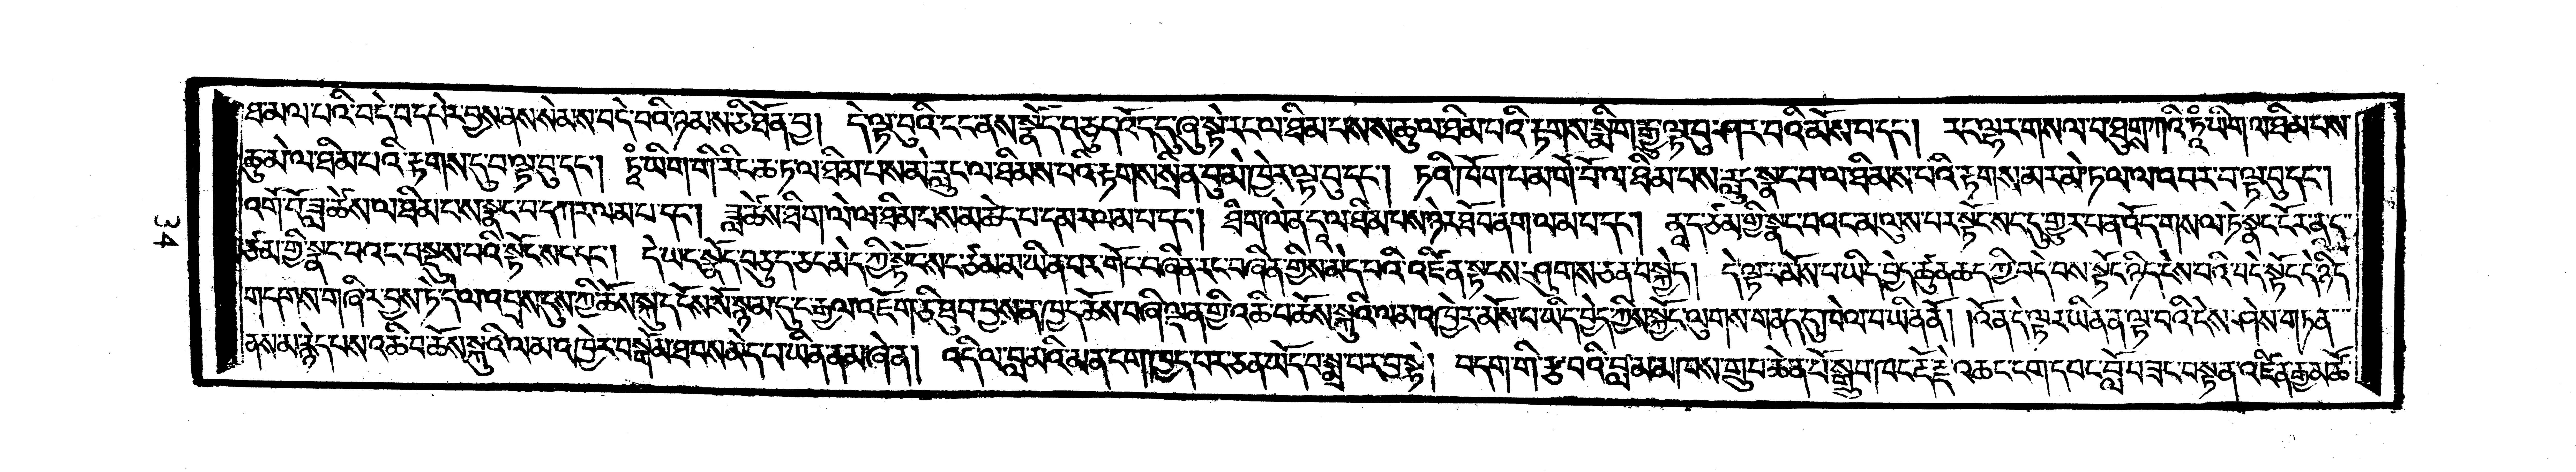ཐ་མལ་པའི་བདེ་བ་དཔེར་བྱས་ནས་སེམས་བདེ་བའི་ཉམས་ཅི་ཐོན་བྱ། དེ་ལྟ་བུའི་ངང་ནས་སྣོད་བཅུད་འོད་དུ་ཞུ་སྟེ་རང་ལ་ཐིམ་པས་ས་ཆུ་ལ་ཐིམ་པའི་རྟགས་སྨིག་རྒྱུ་ལྟ་བུ་ཤར་བའི་མོས་པ་དང་། རང་ལྷར་གསལ་བ་ཐུགས་ཀའི་ཏཱཾ་ཡིག་ལ་ཐིམ་པས་
ཆུ་མེ་ལ་ཐིམ་པའི་རྟགས་དུ་བ་ལྟ་བུ་དང་། ཏཱཾ་ཡིག་གི་རིང་ཆ་ཏ་ལ་ཐིམ་པས་མེ་རླུང་ལ་ཐིམ་པའི་རྟགས་སྲིན་བུ་མེ་ཁྱེར་ལྟ་བུ་དང་། ཏའི་ཁོག་པ་མགོ་བོ་ལ་ཐིམ་པས་རླུང་སྣང་བ་ལ་ཐིམ་པའི་རྟགས་མར་མེ་ཏ་ལ་ལ་འབར་བ་ལྟ་བུ་དང་།
མགོ་བོ་ཟླ་ཚེས་ལ་ཐིམ་པས་སྣང་བ་དཀར་ལམ་པ་དང་། ཟླ་ཚེས་ཐིག་ལེ་ལ་ཐིམ་པས་མཆེད་པ་དམར་ལམ་པ་དང་། ཐིག་ལེ་ནཱ་ད་ལ་ཐིམ་པས་ཉེར་ཐོབ་ནག་ལམ་པ་དང་། ནཱ་ད་ཙམ་གྱི་སྣང་བའང་མ་ལུས་པར་སྟོང་སང་དུ་གྱུར་པ་ན་འོད་གསལ་ཏེ་སྣང་ངོར་ནཱ་ད་
ཙམ་གྱི་སྣང་བའང་བསྡུས་པའི་སྟོངས་པ་དང་། དེ་ཡང་སྣོད་བཅུད་ཅང་མེད་ཀྱི་སྟོང་སང་ཙམ་མ་ཡིན་པར་གོང་བཞིན་རང་བཞིན་གྱིས་མེད་པའི་འཛིན་སྟངས་ཤུགས་ཅན་བསྐྱེད། དེ་ལྟར་མོས་པ་ཡིད་བྱེད་ཚུན་ཆད་ཀྱི་བདེ་བས་སྟོང་ཉིད་ངེས་པའི་བདེ་སྟོང་དེ་ཉིད་
གདགས་གཞིར་བྱས་ཏེ་དེ་ལ་འབྲས་དུས་ཀྱི་ཆོས་སྐུ་དངོས་སོ་སྙམ་དུ་ང་རྒྱལ་འཇོག་ཅི་ཐུབ་བྱས་ན་ཁྱད་ཆོས་བཞི་ལྡན་གྱི་འཆི་བ་ཆོས་སྐུའི་ལམ་འཁྱེར་མོས་པ་ཡིད་བྱེད་ཀྱིས་སྐྱོང་ལུགས་གནད་དུ་ཁེལ་བ་ཡིན་ནོ། །འོ་ན་དེ་ལྟར་ཡིན་ན་ལྟ་བའི་ངེས་ཤེས་གཏན་
ནས་མ་རྙེད་པས་འཆི་བ་ཆོས་སྐུའི་ལམ་འཁྱེར་བསྒོམ་ཐབས་མེད་པ་ཡིན་ནམ་ཞེ་ན། འདི་ལ་བླ་མའི་མན་ངག་ཁྱད་པར་ཅན་ཡོད་པ་སྨྲ་བར་བྱ་སྟེ། བདག་གི་རྩ་བའི་བླ་མ་མཁས་གྲུབ་ཆེན་པོ་སྒྲུབ་ཁང་རྡོ་རྗེ་འཆང་བློ་བཟང་ངག་དབང་བསྟན་འཛིན་རྒྱ་མཚོ་